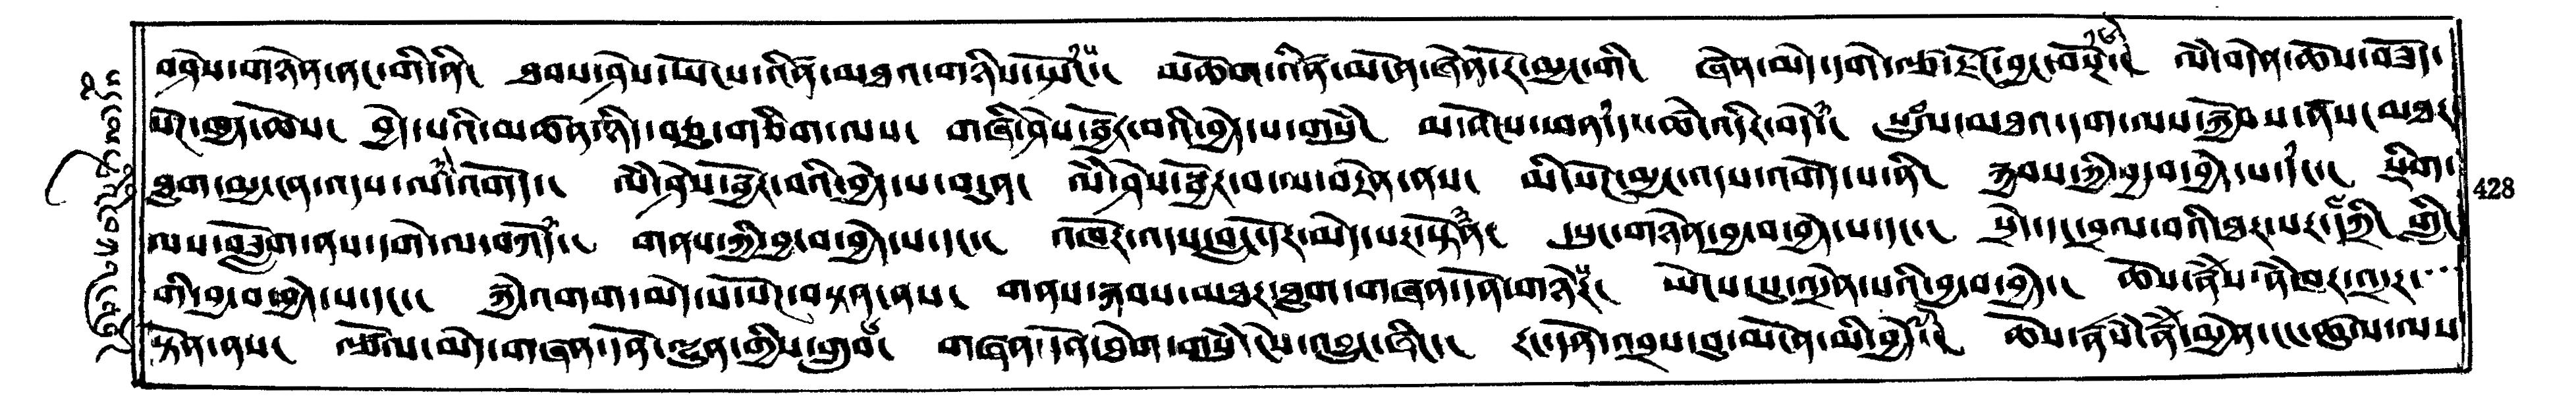བཤེས་གཉེན་ནང་གི་ནི། །ཐབས་ཤེས་ཡོངས་འཛིན་མཐའ་གཉིས་སྤོང་། །མཆོག་འཛིན་མངོན་ཞེན་རོ་མྱང་གི། །ཞེན་མེད་དགེ་རྩ་རྫོགས་བྱང་བསྔོ། །ལམ་བདེན་ཆོས་བཟོད་
སོགས་ཁྱད་ཆོས། །བྱེད་པའི་མཚན་ཉིད་བཅུ་གཅིག་ལས། །གཞི་ཤེས་སྦྱོར་བའི་བྱེད་པ་གསུམ། །མ་འོངས་ཕན་དང་ཚེ་འདིར་བདེ། །སྡུག་བསྔལ་མཐའ་དག་ལས་སྐྱོབས་ནས། །མཐར་
ཐུག་མྱ་ངན་འདས་ལ་འགོད། །ལམ་ཤེས་སྦྱོར་བའི་བྱེད་པ་བདུན། །ལམ་ཤེས་སྦྱོར་བ་ལ་བརྟེན་ནས། །མི་སོགས་མྱང་འདས་འགོད་པ་ནི། །སྐྱབས་ཀྱི་བྱ་བ་བྱེད་པ་དང་། །སྡིག་
ལས་བཟློག་ནས་དགེ་ལ་བཀོད། །གནས་ཀྱི་བྱ་བ་བྱེད་པ་དང་། །འཁོར་འདས་བླང་དོར་མེད་པར་སྟོན། །དཔུང་གཉེན་བྱ་བ་བྱེད་པ་དང་། །སྲེད་དང་བྲལ་བའི་ཐར་པར་བཀྲི། །གླིང་
གི་བྱ་བ་བྱེད་པ་དང་། །སྐྱེ་འགག་མེད་པ་སོགས་བསྟན་ནས། །གནས་སྐབས་མཐར་ཐུག་གཞན་དོན་གཉེར། །ཡོངས་སུ་འདྲེན་པའི་བྱ་བ་བྱེད། །ཆོས་རྣམས་ནམ་མཁའ་འདྲར་
སྟོན་ནས། །རྩོལ་མེད་གཞན་དོན་ལྷུན་གྱིས་གྲུབ། །གཞན་དོན་ཐེག་གསུམ་ངེས་འབྱུང་ཞིང་། །རང་དོན་འབྲས་བུ་མངོན་མི་བྱེད། །ཆོས་རྣམས་རྣམ་མཁྱེན་ངང་ཚུལ་ལས། །